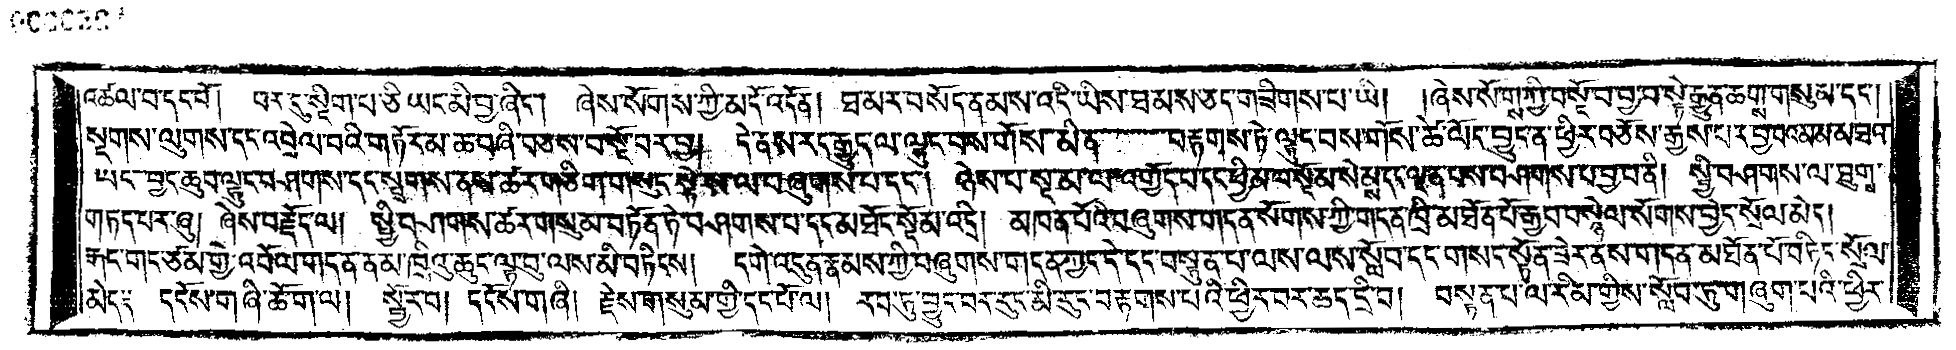འཚལ་བ་དང་པོ། བར་དུ་སྡིག་པ་ཅི་ཡང་མི་བྱ་ཞིང་། ཞེས་སོགས་ཀྱི་མདོ་འདོན། ཐ་མར་བསོད་ནམས་འདི་ཡིས་ཐམས་ཅད་གཟིགས་པ་ཡི། །ཞེས་སོགས་ཀྱི་བསྔོ་བ་བྱ་བ་སྟེ་རྒྱུན་ཆགས་གསུམ་དང་།
སྔགས་ལུགས་དང་འབྲེལ་བའི་གཏོར་མ་ཆ་བཞི་བཅས་བསྔོ་བར་བྱ། དེ་ནས་རང་རྒྱུད་ལ་ལྟུང་བས་གོས་མིན་བརྟགས་ཏེ་ལྟུང་བས་གོས་ཚེ་ལོང་བྱུང་ན་ཕྱིར་བཅོས་རྒྱས་པར་བྱ་བའམ་མ་མཐའ་
ཡང་བྱང་ཆུབ་ལྟུང་བཤགས་དང་སྤྲགས་ནས་ཚར་གཅིག་གསུང་སྟེ་ས་ལ་བཞུགས་པ་དང་། ཉེས་པ་སྔ་མ་ལ་འགྱོད་པ་དང་ཕྱི་མ་ལ་སྡོམ་སེམས་དང་ལྡན་པས་བཤགས་པ་བྱ་བ་ནི། སྤྱི་བཤགས་ལ་ཐུགས་
གཏད་པར་ཞུ། ཞེས་བརྗོད་ལ། སྤྱི་བཤགས་ཚར་གསུམ་བཏོན་ཏེ་བཤགས་པ་དང་མཐོང་སྡོམ་འདྲི། མཁན་པོའི་བཞུགས་གདན་སོགས་ཀྱི་གདན་ཁྲི་མཐོན་པོ་རྒྱབ་བསྙེལ་སོགས་བྱེད་སྲོལ་མེད།
གང་གང་ཙམ་གྱི་འབོལ་གདན་ནམ་ཁྲིའུ་ཆུང་ལྟ་བུ་ལས་མི་བཏིངས། དགེ་འདུན་རྣམས་ཀྱི་བཞུགས་གདན་ཀྱང་དེ་དང་བསྟུན་པ་ལས་ལས་སློབ་དང་གསང་སྟོན་ཟེར་ནས་གདན་མཐོན་པོ་བཏིང་སྲོལ་
མེད༑ དངོས་གཞི་ཆོ་ག་ལ། སྦྱོར་བ། དངོས་གཞི། རྗེས་གསུམ་གྱི་དང་པོ་ལ། རབ་ཏུ་བྱུང་བར་རུང་མི་རུང་བརྟགས་པའི་ཕྱིར་བར་ཆད་དྲི་བ། བསྟན་པ་ལ་རིམ་གྱིས་སློབ་ཏུ་གཞུག་པའི་ཕྱིར་